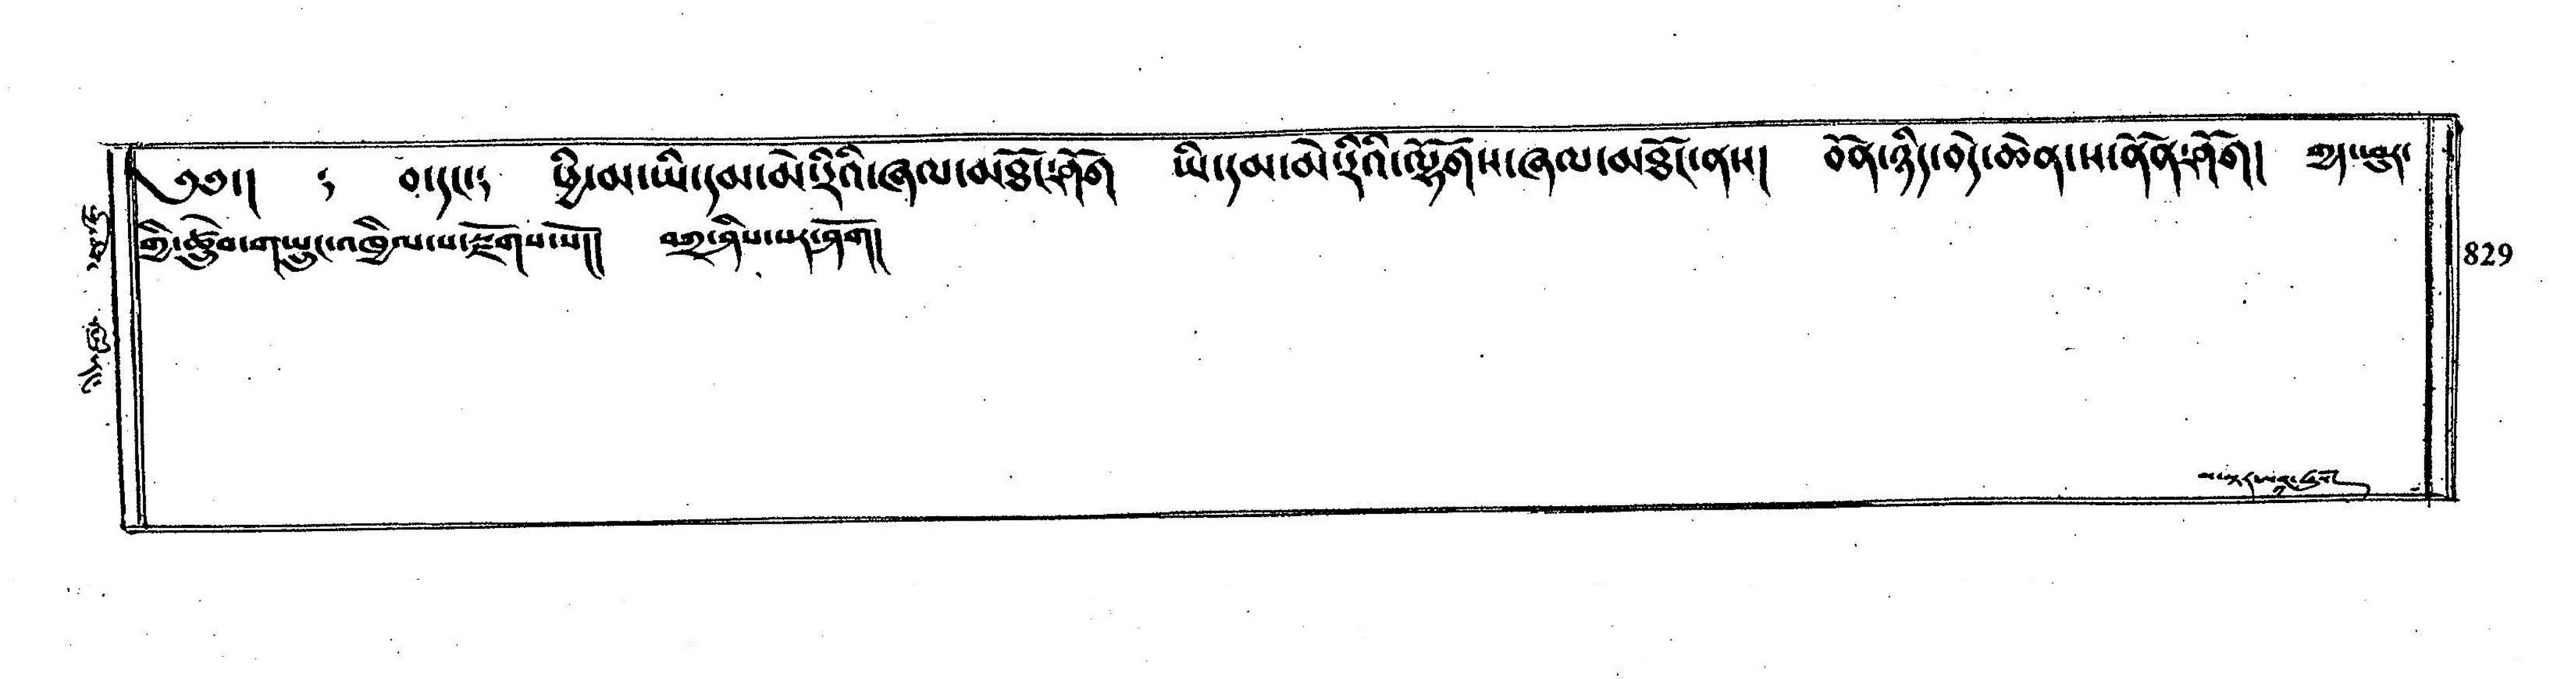བ་དང་། ཕྱི་མ་ཡི་དམ་མེ་རིའི་ཞལ་མཐོང་ཤོག ཡི་དམ་མེ་རིའི་ལྷ་ཚོགས་ཞལ་མཐོང་ནས། བོན་ཉིད་བདེ་ཆེན་ས་ནོན་ཤོག གྱད་ཕུར་
གྱི་ཚེ་སྒྲུབ་གཡུང་དྲུང་འཁྱིལ་པ་རྫོགས་སོ།། བཀྲ་ཤིས་པར་ཤོག